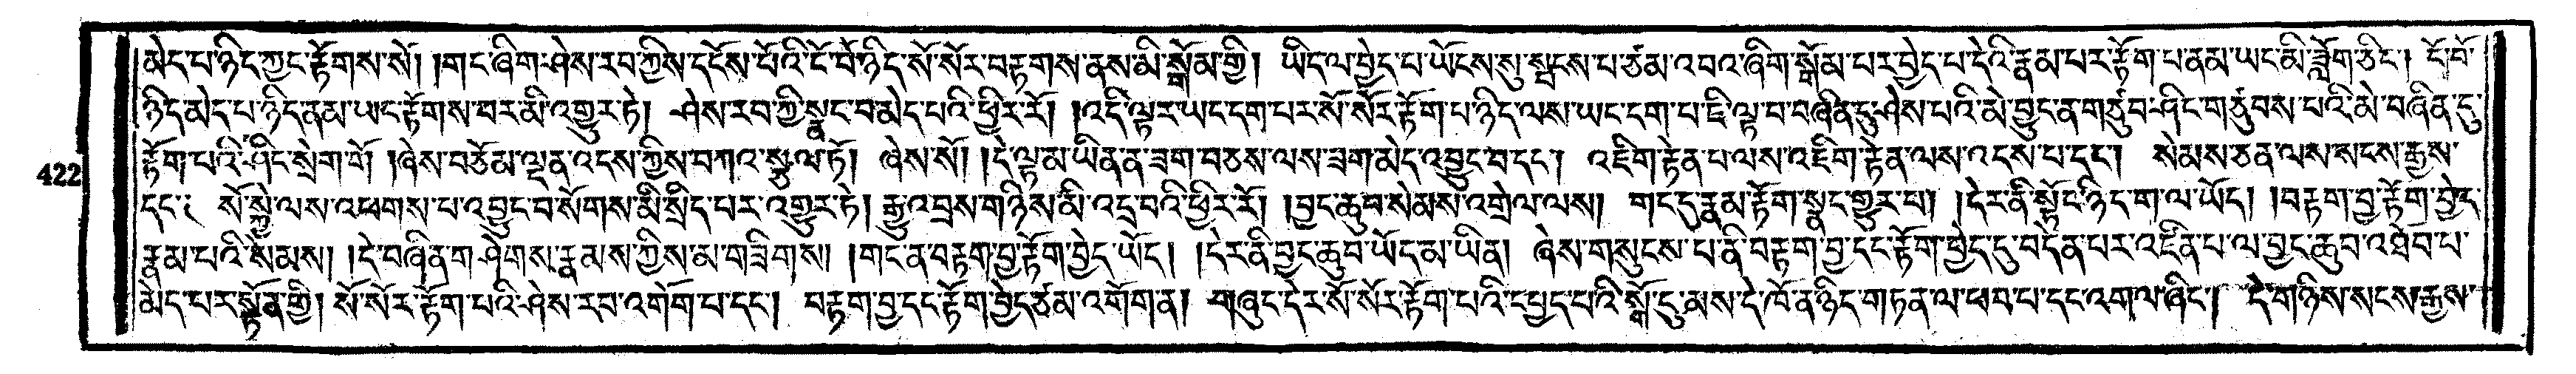མེད་པ་ཉིད་ཀྱང་རྟོགས་སོ། །གང་ཞིག་ཤེས་རབ་ཀྱིས་དངོས་པོའི་ངོ་བོ་ཉིད་སོ་སོར་བརྟགས་ནས་མི་སྒོམ་གྱི། ཡིད་ལ་བྱེད་པ་ཡོངས་སུ་སྦངས་པ་ཙམ་འབའ་ཞིག་སྒོམ་པར་བྱེད་པ་དེའི་རྣམ་པར་རྟོག་པ་ནམ་ཡང་མི་ཟློག་ཅིང་། ངོ་བོ་
ཉིད་མེད་པ་ཉིད་ནམ་ཡང་རྟོགས་བར་མི་འགྱུར་ཏེ། ཤེས་རབ་ཀྱི་སྣང་བ་མེད་པའི་ཕྱིར་རོ། །འདི་ལྟར་ཡང་དག་པར་སོ་སོར་རྟོག་པ་ཉིད་ལས་ཡང་དག་པ་ཇི་ལྟ་བ་བཞིན་དུ་ཤེས་པའི་མེ་བྱུང་ན་གཙུབ་ཤིང་གཙུབས་པའི་མེ་བཞིན་དུ་
རྟོག་པའི་ཤིང་སྲེག་གོ །ཞེས་བཅོམ་ལྡན་འདས་ཀྱིས་བཀའ་སྩལ་ཏེ། ཞེས་སོ། །དེ་ལྟ་མ་ཡིན་ན་ཟག་བཅས་ལས་ཟག་མེད་འབྱུང་བ་དང་། འཇིག་རྟེན་པ་ལས་འཇིག་རྟེན་ལས་འདས་པ་དང་། སེམས་ཅན་ལས་སངས་རྒྱས་
དང་༑ སོ་སྐྱེ་ལས་འཕགས་པ་འབྱུང་བ་སོགས་མི་སྲིད་པར་འགྱུར་ཏེ། རྒྱུ་འབྲས་གཉིས་མི་འདྲ་བའི་ཕྱིར་རོ། །བྱང་ཆུབ་སེམས་འགྲེལ་ལས། གང་དུ་རྣམ་རྟོག་སྣང་གྱུར་པ། །དེར་ནི་སྟོང་ཉིད་ག་ལ་ཡོད། །བརྟག་བྱ་རྟོག་བྱེད་
རྣམ་པའི་སེམས། །དེ་བཞིན་གཤེགས་རྣམས་ཀྱིས་མ་གཟིགས། །གང་ན་བརྟག་བྱ་རྟོག་བྱེད་ཡོད། །དེར་ནི་བྱང་ཆུབ་ཡོད་མ་ཡིན། ཞེས་གསུངས་པ་ནི་བརྟག་བྱ་དང་རྟོག་བྱེད་དུ་བདེན་པར་འཛིན་པ་ལ་བྱང་ཆུབ་འཐོབ་པ་
མེད་པར་སྟོན་གྱི། སོ་སོར་རྟོག་པའི་ཤེས་རབ་འགོག་པ་དང་། བརྟག་བྱ་དང་རྟོག་བྱེད་ཙམ་འགོག་ན། གཞུང་དེར་སོ་སོར་རྟོག་པའི་དཔྱད་པའི་སྒོ་དུ་མས་དེ་ཁོ་ན་ཉིད་གཏན་ལ་ཕབ་པ་དང་འགལ་ཞིང་། དེ་གཉིས་སངས་རྒྱས་